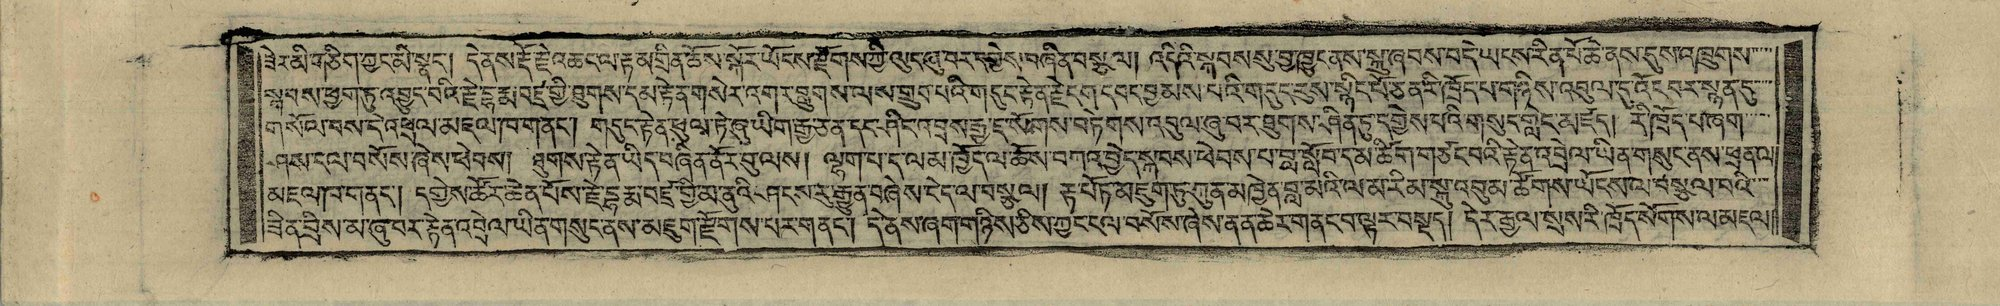ཟེར་མི་གཅིག་ཀྱང་མི་སྣང་། དེ་ནས་རྡོ་རྗེ་འཆང་ལ་རྟ་མགྲིན་ཆོས་སྐོར་ཡོངས་རྫོགས་ཀྱི་ལུང་ཞུ་བར་དགྱེས་བཞིན་བསྩལ། འདིའི་སྐབས་སུ་བྱ་ཁྱུང་ནས་སྐུ་ཞབས་བདེ་ཡངས་རིན་པོ་ཆེ་ནས་དུས་འཁྲུགས་
སྐབས་ཕྱག་ཏུ་འབྱུང་བའི་རྗེ་དྷརྨ་བཛྲ་གྱི་ཐུགས་དམ་རྟེན་གསེར་འགར་བླུགས་ལས་གྲུབ་པའི་གདུང་རྟེན་རྗེ་ངག་དབང་བྱམས་པའི་གདུང་རུས་སྙིང་པོ་ཅན་རི་ཁྲོད་པ་གཉིས་འབུལ་དུ་འོང་བར་སྙན་དུ་
གསོལ་བས་དེ་འཕྲལ་མཇལ་ཁ་གནང་། གདུང་རྟེན་ཕུལ་ཏེ་ཞུ་ཡིག་རྒྱ་ཅན་དང་ཤིང་འབྲས་རྒྱ་ཇ་སོགས་བཏེགས་འབུལ་ཞུ་བར་ཐུགས་ཤིན་ཏུ་དགྱེས་པའི་གསུང་གླེང་མཛད། རི་ཁྲོད་པ་ཞག་
ཤས་ངལ་བསོས་ཞེས་ཕེབས། ཐུགས་རྟེན་ཡིད་བཞིན་ནོར་བུ་ལས། ལྷག་པ་ད་ལམ་ཁྱོད་ལ་ཆོས་བཀའ་བྱེད་སྐབས་ཕེབས་པ་བླ་སློབ་དམ་ཚིག་གཙང་བའི་རྟེན་འབྲེལ་ཡིན་གསུང་ནས་ཕྲན་ལ་
མཇལ་ཁ་གནང་། དགྱེས་ཚོར་ཆེན་པོས་རྗེ་དྷརྨ་བཛྲ་གྱི་མ་ནུའི་ཤངས་རུ་རྒྱུན་བཞེས་ངེད་ལ་བསྩལ། རྟ་པོ་ཏ་མཇུག་ཏུ་ཀུན་མཁྱེན་བླ་མའི་ལམ་རིམ་སྐུ་འབུམ་ཚོགས་ཡོངས་ལ་བསྩལ་བའི་
ཟིན་བྲིས་མ་ཞུ་བར་རྟེན་འབྲེལ་ཡིན་གསུང་ནས་མཇུག་རྫོགས་པར་གནང་། དེ་ནས་ཞག་གཉིས་ཅིས་ཀྱང་ངལ་བསོས་ཞེས་ནན་ཆེར་གནང་བ་ལྟར་བསྡད། དེར་རྒྱལ་སྲས་རི་ཁྲོད་སོགས་ལ་མཇལ།